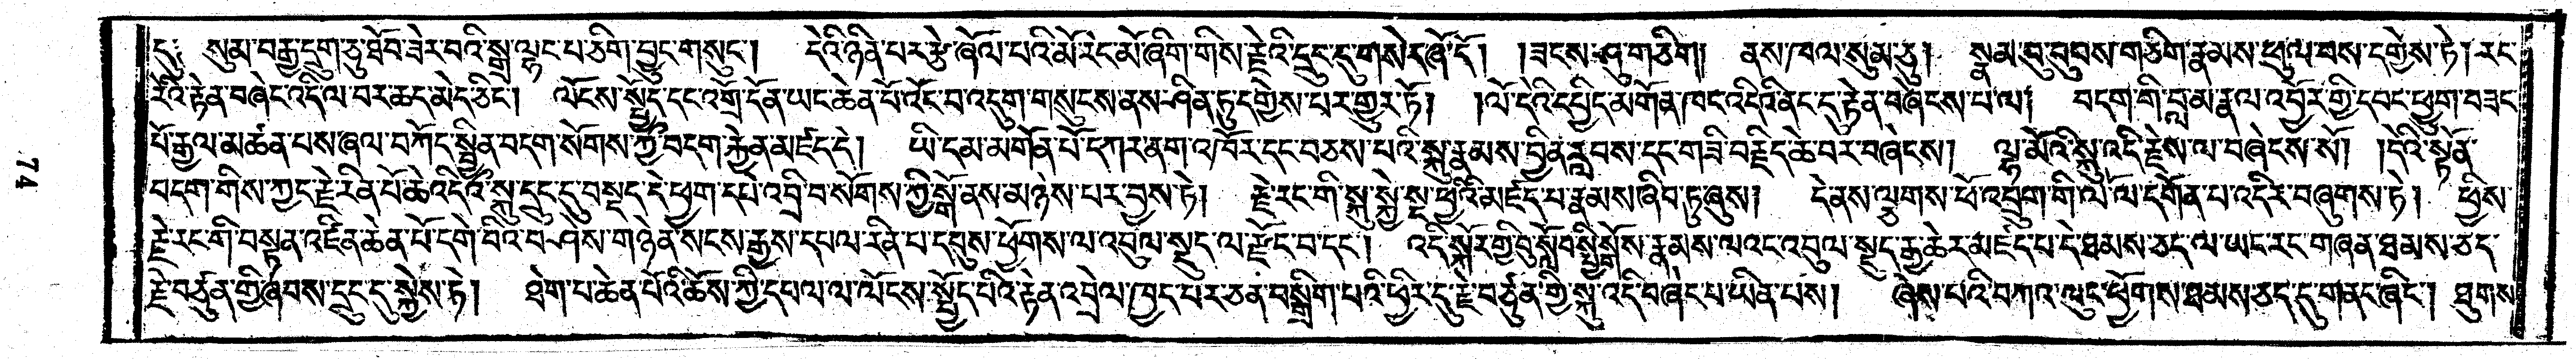དུ༑ སུམ་བརྒྱ་དྲུག་ཅུ་ཐོབ་ཟེར་བའི་སྒྲ་ལྷང་པ་ཅིག་བྱུང་གསུང་། དེའི་ཉིན་པར་རྩེ་ཞོལ་བའི་མོ་རེང་མོ་ཞིག་གིས་རྗེའི་དྲུང་དུ་གསེར་ཞོ་དོ། །ཟངས་ཤུ་གཅིག། ནས་ཁལ་སུམ་ཅུ། སྣམ་བུ་བུབས་གཅིག་རྣམས་ཕུལ་བས་དགྱེས་ཏེ། རང་
རེའི་རྟེན་བཞེང་འདི་ལ་བར་ཆད་མེད་ཅིང་། ལོངས་སྤྱོད་དང་འགྲོ་དོན་ཡང་ཆེན་པོ་འོང་བ་འདུག་གསུངས་ནས་ཤིན་ཏུ་དགྱེས་པར་གྱུར་ཏོ། །ལོ་དེའི་དཔྱིད་མགོན་ཁང་འདིའི་ནང་དུ་རྟེན་བཞེངས་པ་ལ། བདག་གི་བླ་མ་རྣལ་འབྱོར་གྱི་དབང་ཕྱུག་བཟང་
པོ་རྒྱལ་མཚན་པས་ཞལ་བཀོད་སྦྱིན་བདག་སོགས་ཀྱི་བདག་རྐྱེན་མཛད་དེ། ཡི་དམ་མགོན་པོ་དཀར་ནག་འཁོར་དང་བཅས་པའི་སྐུ་རྣམས་བྱིན་རླབས་དང་གཟི་བརྗིད་ཆེ་བར་བཞེངས། ལྷ་མོའི་སྐུ་འདི་རྗེས་ལ་བཞེངས་སོ། །དེའི་སྟོན་
ཕ༹བདག་གིས་ཀྱང་རྗེ་རིན་པོ་ཆེ་འདིའི་སྐུ་དྲུང་དུ་བསྡད་དེ་ཕྱག་དཔེ་འབྲི་བ་སོགས་ཀྱི་སྒོ་ནས་མཉེས་པར་བྱས་ཏེ། རྗེ་རང་གི་སྐུ་སྐྱེ་སྔ་ཕྱིའི་མཛད་པ་རྣམས་ཞིབ་ཏུ་ཞུས། དེ་ནས་ལྕགས་ཕོ་འབྲུག་གི་ལོ་ལ་དགོན་པ་འདིར་བཞུགས་ཏེ། ཕྱིས་
རྗེ་རང་གི་བསྟན་འཛིན་ཆེན་པོ་དགེ་བའི་བཤེས་གཉེན་སངས་རྒྱས་དཔལ་རིན་པ་དབུས་ཕྱོགས་ལ་འབུལ་སྡུད་ལ་རྫོང་བ་དང་། འདི་སྐོར་གྱི་བུ་སློབ་སྤྱི་སྒོས་རྣམས་ལའང་འབུལ་སྡུད་རྒྱ་ཆེར་མཛད་པ་དེ་ཐམས་ཅད་ལ་ཡང་རང་གཞན་ཐམས་ཅད་
རྗེ་བཙུན་གྱི་ཞབས་དྲུང་དུ་སྐྱེས་ཏེ། ཐེག་པ་ཆེན་པོའི་ཆོས་ཀྱི་དཔལ་ལ་ལོངས་སྤྱོད་པའི་རྟེན་འབྲེལ་ཁྱད་པར་ཅན་བསྒྲིག་པའི་ཕྱིར་དུ་རྗེ་བཙུན་གྱི་སྐུ་འདི་བཞེང་པ་ཡིན་པས། ཞེས་པའི་བཀའ་ལུང་ཕྱོགས་ཐམས་ཅད་དུ་གནང་ཞིང་། ཐུགས་